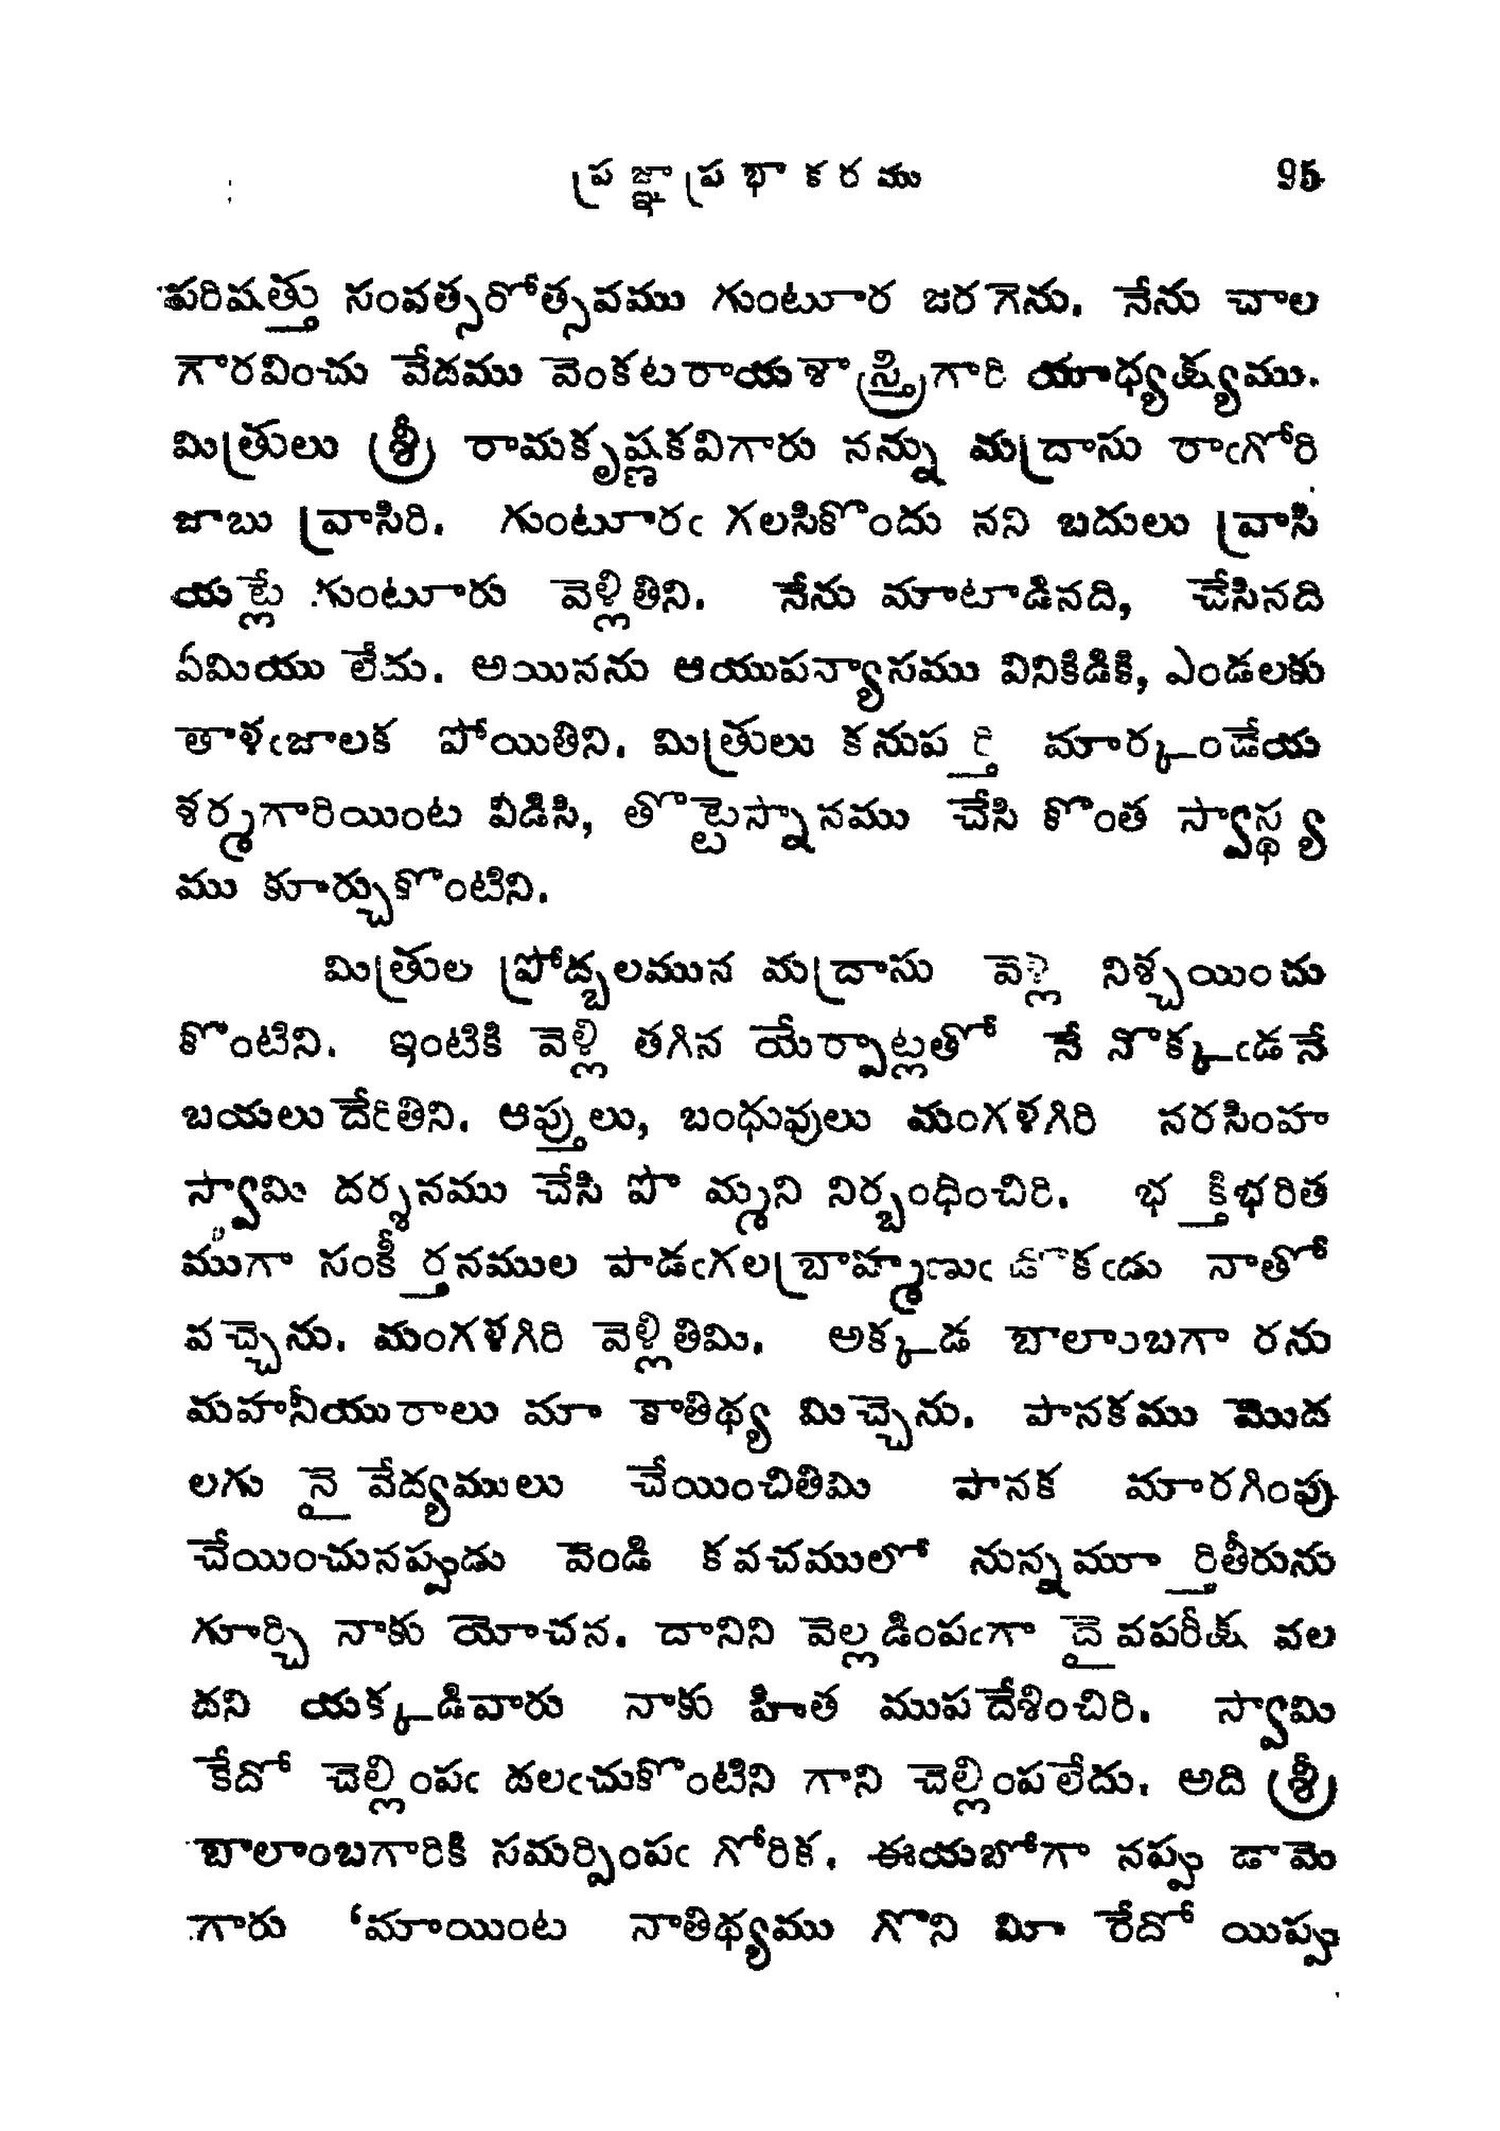పరిషత్తు సంవత్సరోత్సవము గుంటూర జరగెను. నేను చాల గౌరవించు వేదము వెంకటరాయ శాస్త్రిగారి యాద్యక్షము మిత్రులు శ్రీ రామకృష్టకవిగారు నన్ను మద్రాసు రాఁ గోరి జాబు వ్రాసిరి. గుంటూరఁ గలసికొందు నని బదులు వ్రాసి యట్లె గుంటూరు వెళ్ళితిని. నేను మాటాడినది, చేసినది ఏమియు లేదు. అయినను ఆయుపన్యాసము వినికిడికి, ఎండలకు తాళఁ జాలక పోయితిని. మిత్రులు కనుపర్తి మార్కుండేయశర్మ గారి యింట విడిసి, తొట్టె సాన్నము చేసి కొంత స్వస్ధ్యము కూర్చు కొంటిని. 

మిత్రుల ప్రోద్బలమున మద్రాసు వెళ్ళ నిశ్చయించు కొంటిని. ఇంటికి వెళ్ళి తగిన యేర్పాట్లతో నే నొక్కఁడనే బయల దేరితిని. ఆప్తులు, బంధువులు మంగళగిరి నరసింహ స్వామి దర్శనము చేసి పొమ్మని నిర్బధించిరి. భక్తిభరితముగా సంకీర్తనముల పాడఁ గల బ్రాహ్మణుఁ డొకఁడు నాతో వచ్చెను. మంగళ గిరి వెళ్ళితిమి. అక్కడ బాలాంబగా రను మహానియురాలు మా కాతిద్య మిచ్చెను. పానకము మొదలగు నైవేద్యములు చేయించితిమి పానక మారగింపు చేయించు నప్పుడు వెండి కవచములో నున్న మూర్తి తీరును గూర్చి నాకు యోచన. దానిని వెల్లడింపఁ గా దైవ పరిక్ష వలదని యక్కడి వారు నాకు హిత ముప దేశించిరి. స్వామి కేదో చెల్లింపఁ దలఁ చుకొంటిని గాని చెల్లింపలేదు.అది శ్రీ బాలంబ గారికి సమర్పింపఁ గోరిక ఈయబోగా నప్పుడా మెగారు ' మా యింట నాతిధ్యము గొని మి రేదో యిప్పు